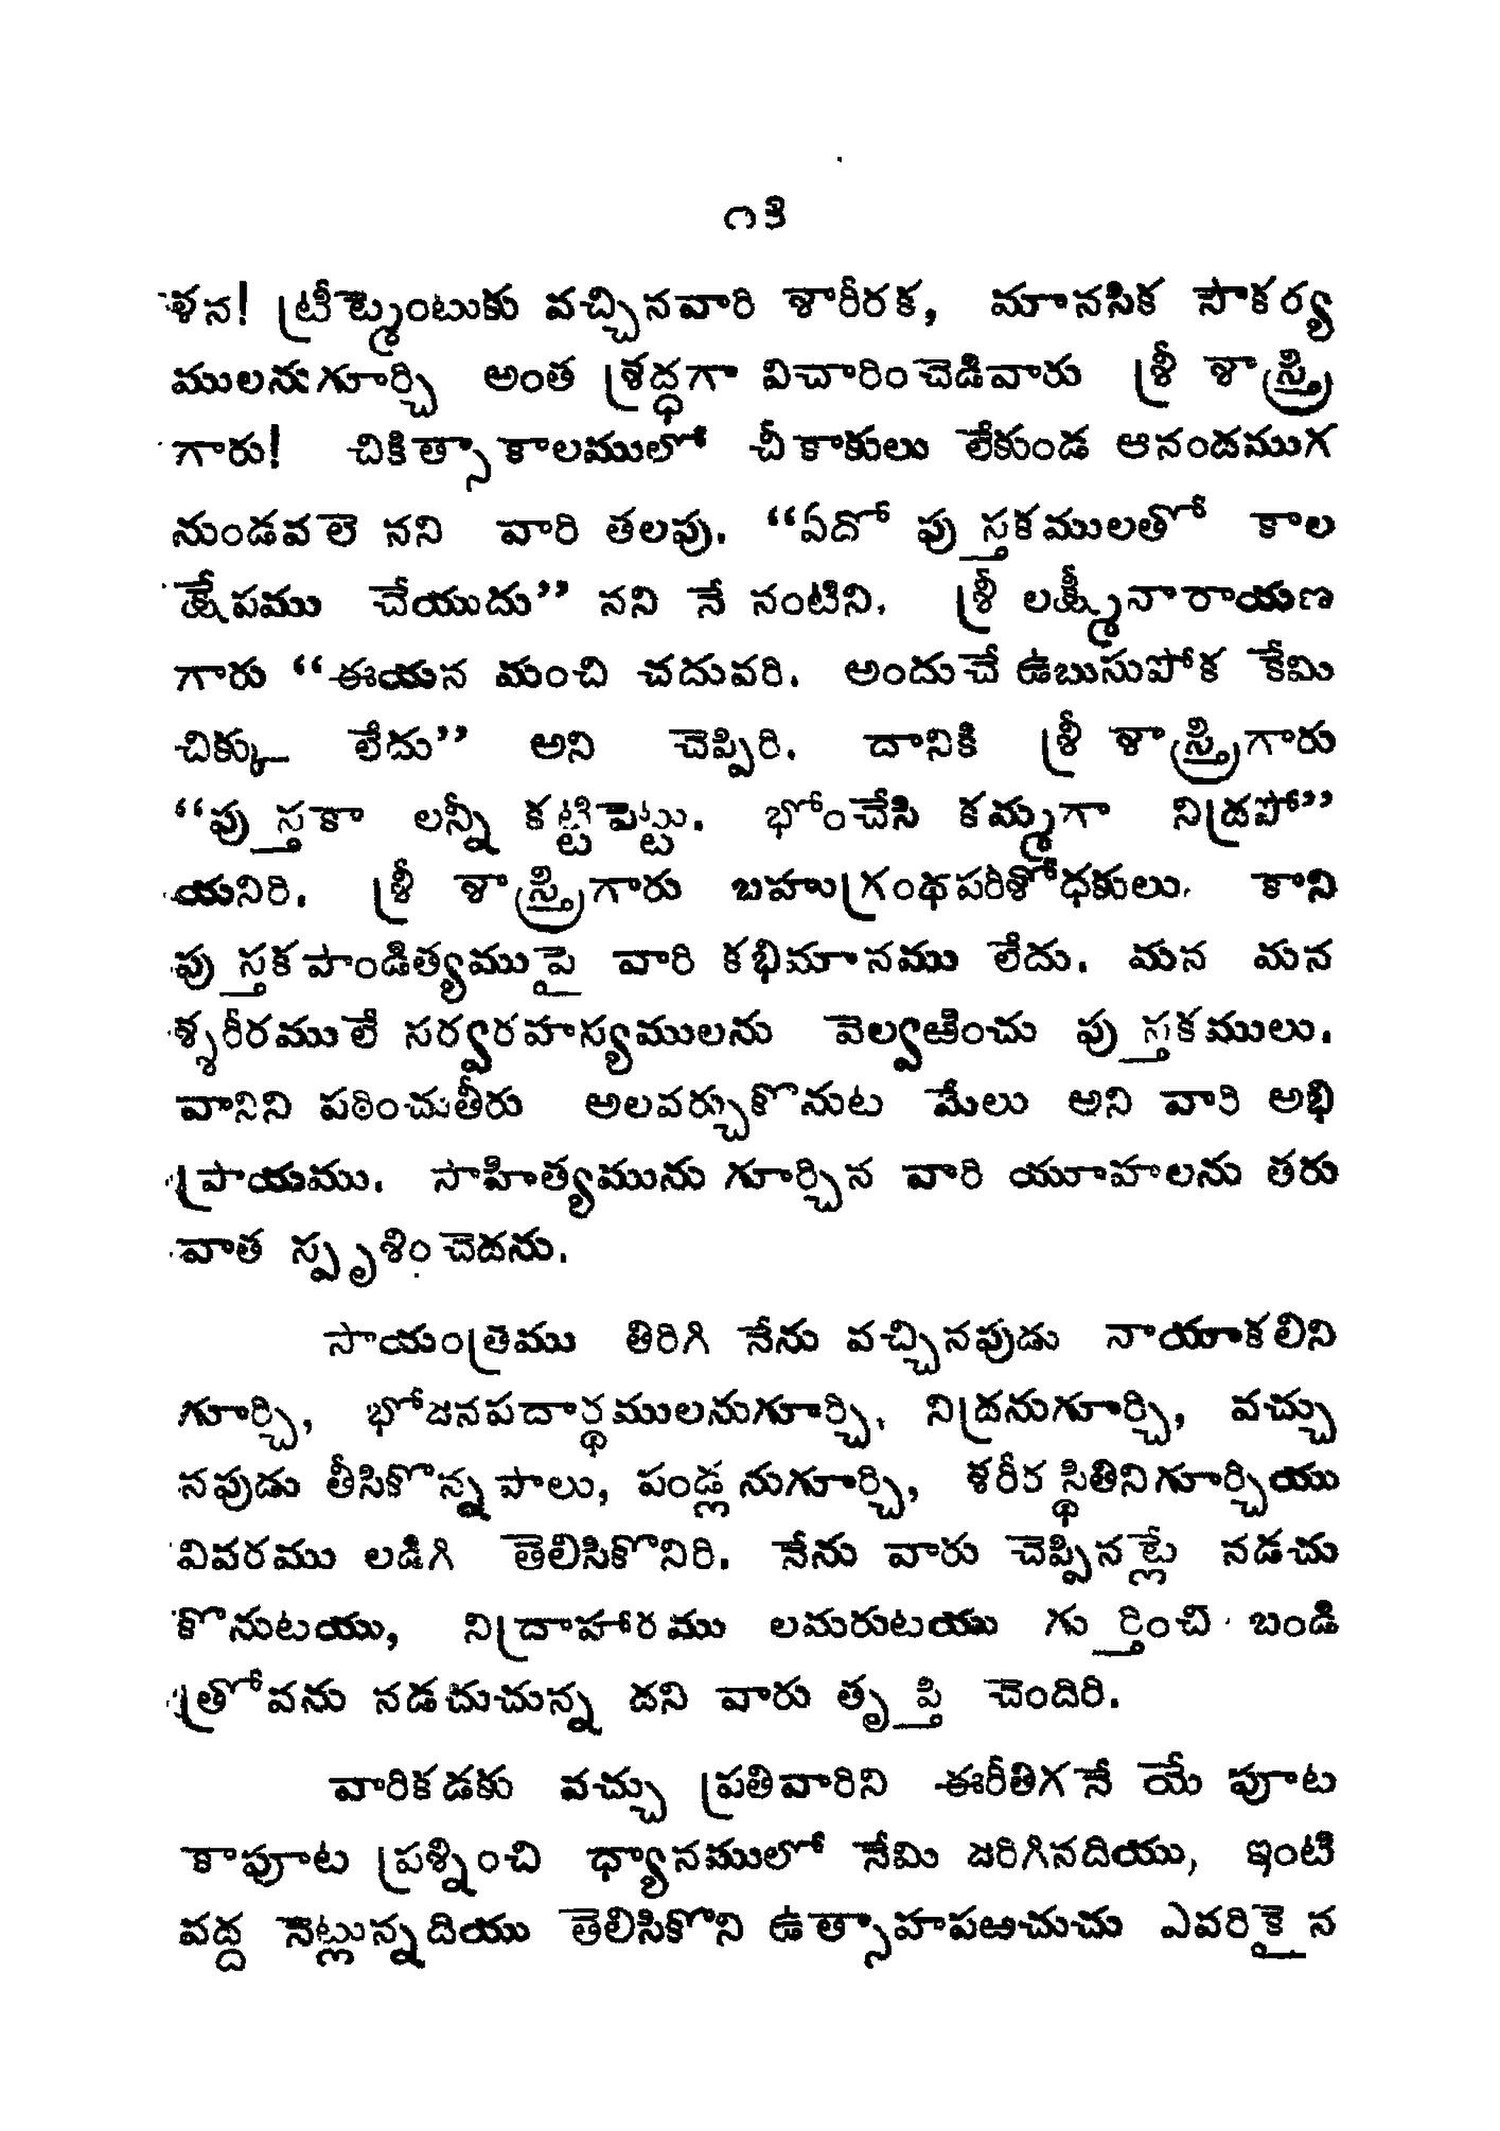ళన! ట్రీట్మేంటుకు వచ్చిన వారి శారీరక, మానసిక సౌకర్యములను గూర్చి అంత శ్రద్ధగా విచారించెడి వారు శ్రీ శాస్త్రిగారు! చికిత్సాకాలములో చీకాకులు లేకుండ ఆనందముగ నుండ వలె నని వారి తలపు."ఏదో పుస్తకములతో కాలక్షేపము చేయుదు" నని నే నంటిని. శ్రీలక్ష్మి నారాయణగారు " ఈయన మంచి చదువరి. అందుచే ఉబుసుపోక కేమి చిక్కు లేదు" అని చెప్పిరి. దానికి శ్రీ శాస్త్రి గారు" పుస్తకాలన్నీ కట్టిపెట్టు. భోంచేసి కమ్మగా నిద్రపో" యనిరి. శ్రీ శాస్త్రిగారు బహుగ్రంధ పరిశో ధకులు. కాని పుస్తక పాండిత్యము పై వారి కభిమానము లేదు. మన మనశ్సరీరములే సర్వరహస్య ములను వెల్వఱించు పుస్తకములు. వానిని పఠించు తీరు అలవర్చుకొనుట మేలు అని వారి అభిప్రాయము. సాహిత్యమును గూర్చి వారి యూహలను తరువాత స్పృశించెదను.

సాయంత్రము తిరిగి నేను వచ్చినపుడు నాయాకలినిగూర్చి, భోజనపదార్ధములను గూర్చి, నిద్రను గూర్చి,వచ్చునపుడు తీసుకొన్న పాలు, పండ్లను గూర్చి, శరీర స్థితిని గూర్చియు వివరములడిగి తెలిసికొనిరి. నేను వారు చెప్పినట్లే నడచుకొనుటయు, నిద్రహారము లమరుటయు గుర్తించి బండి త్రోవను నడచుచున్నదని వారు తృప్తి చెందిరి.

వారికడకు వచ్చు ప్రతివారిని ఈరీతిగనే యే పూటకాపూట ప్రశ్నించి ధ్యానములో నేమి జరిగినదియు, ఇంటి వద్ద నెట్లున్నదియు తెలిసికొని ఉత్సాహపఱచుచు ఎవరికైన